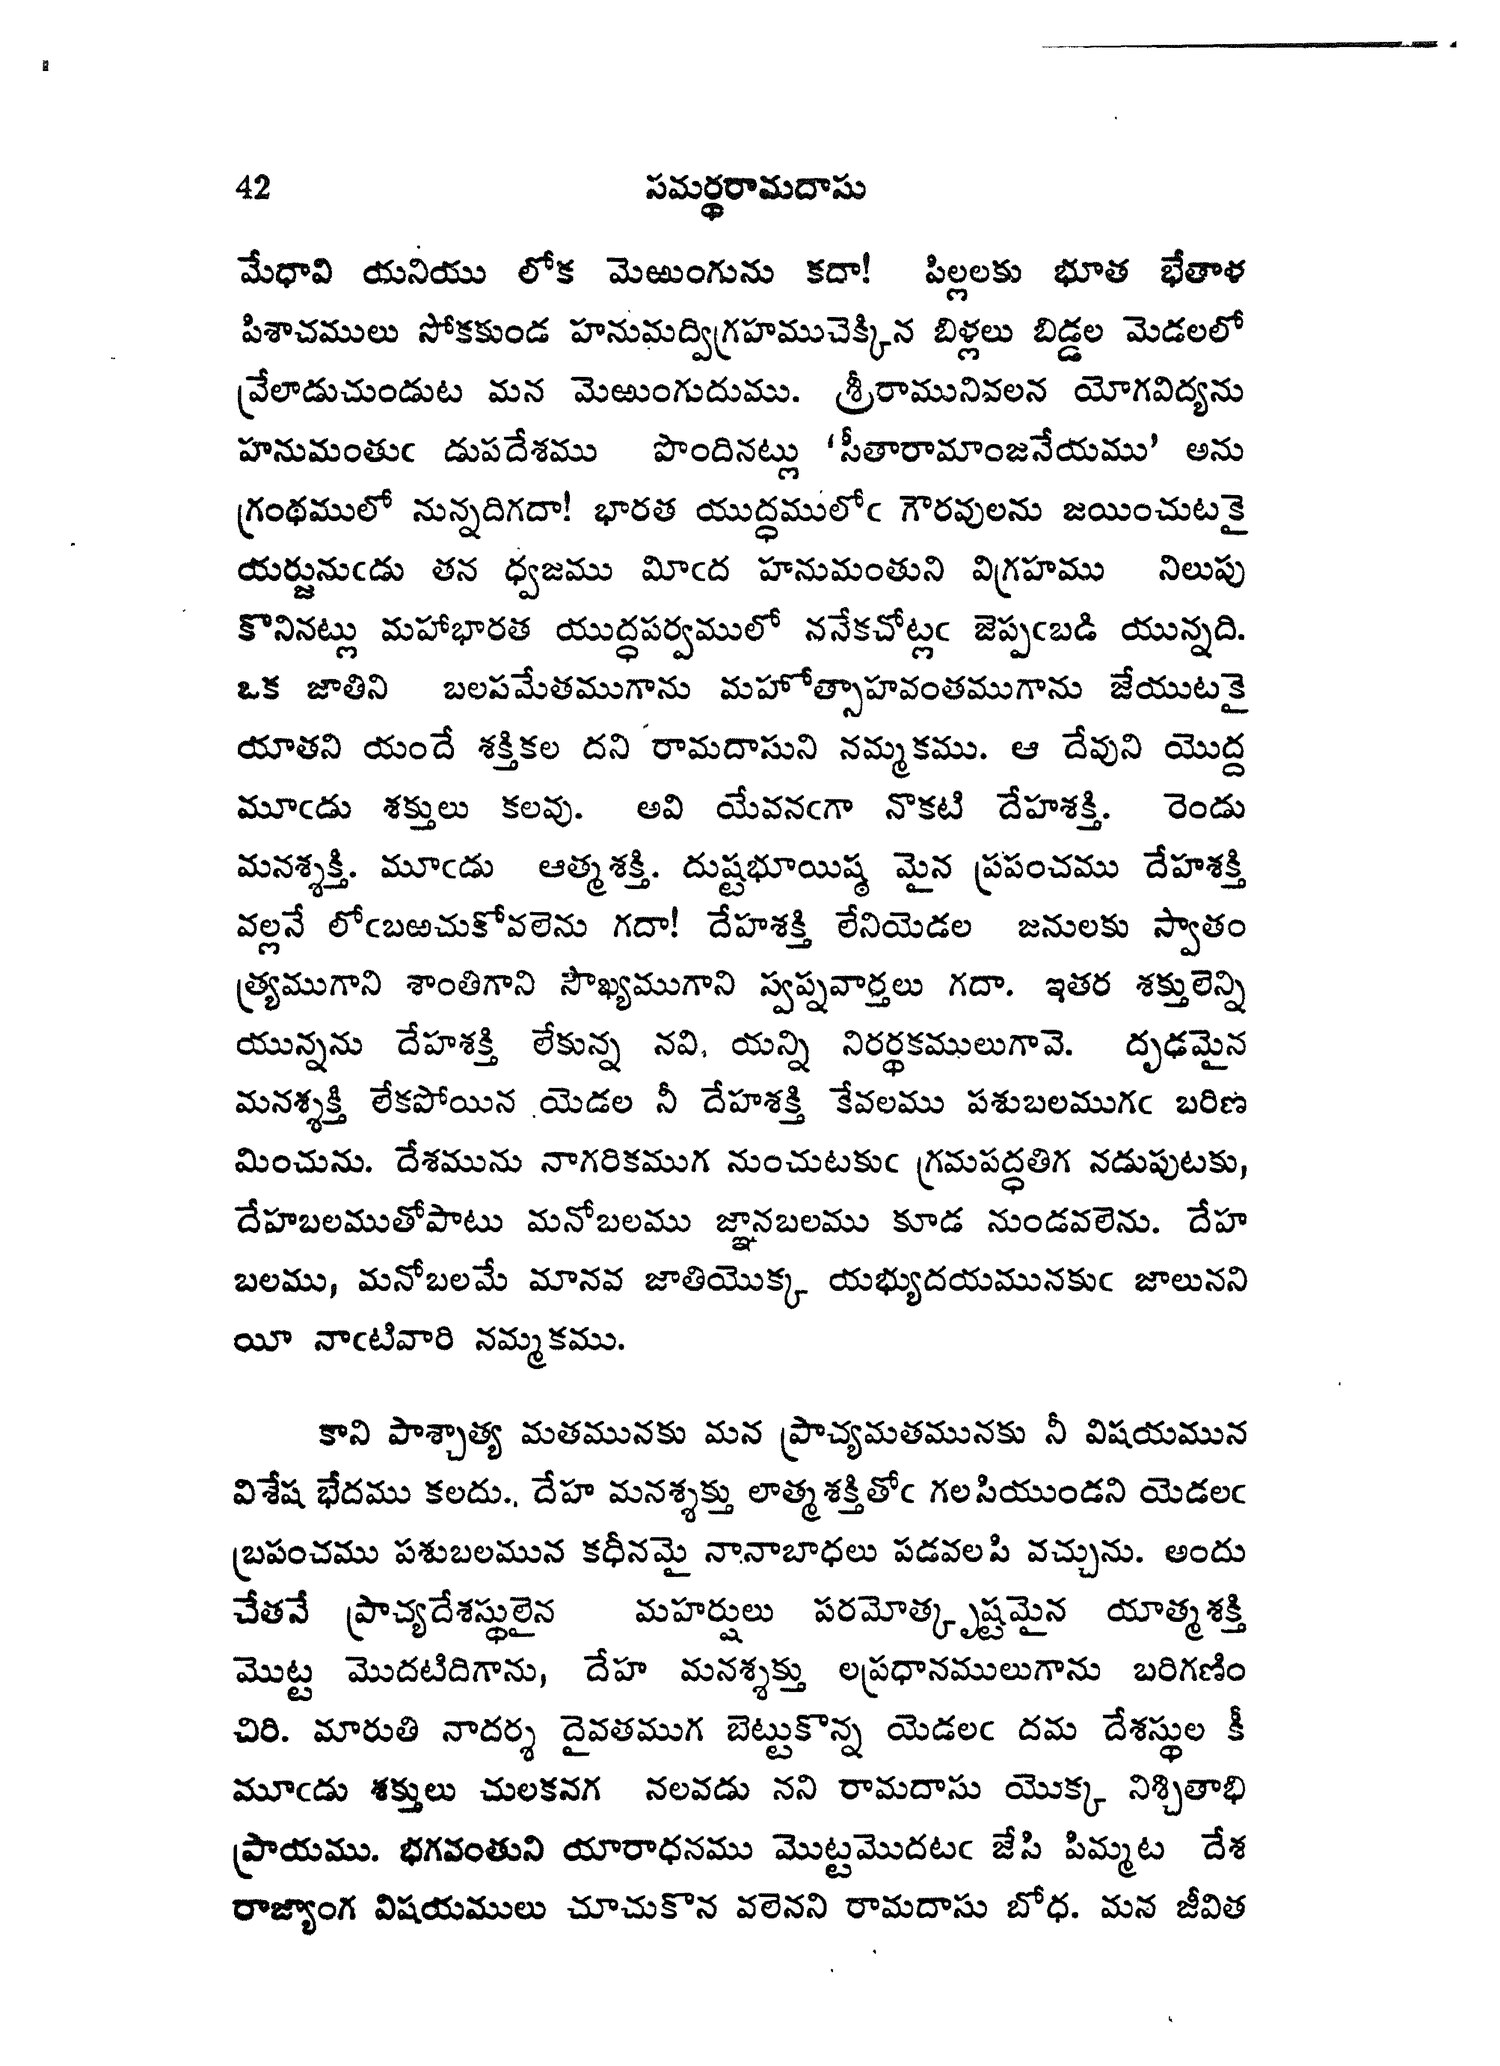మేధావి యనియు లోక మెఱుంగును కదా! పిల్లలకు భూత భేతాళ పిశాచములు సోకకుండ హనుమద్విగ్రహముచెక్కిన బిళ్లలు బిడ్డల మెడలలో వ్రేలాడుచుండుట మన మెఱుంగుదుము. శ్రీరామునివలన యోగవిద్యను హనుమంతు డుపదేశము పొందినట్లు 'సీతారామాంజనేయము' అను గ్రంథములో నున్నదిగదా! భారత యుద్ధములో గౌరవులను జయించుటకై యర్జునుడు తన ధ్వజము మీద హనుమంతుని విగ్రహము నిలుపు కొనినట్లు మహాభారత యుద్ధపర్వములో ననేకచోట్ల జెప్పబడి యున్నది. ఒక జాతిని బలసమేతముగాను మహోత్సాహవంతముగాను జేయుటకై యాతని యందే శక్తికల దని రామదాసుని నమ్మకము. ఆ దేవుని యొద్ద మూడు శక్తులు కలవు. అవి యేవనగా నొకటి దేహశక్తి. రెండు మనశ్శక్తి. మూడు ఆత్మశక్తి. దుష్టభూయిష్ఠ మైన ప్రపంచము దేహశక్తి వల్లనే లోబఱచుకోవలెను గదా! దేహశక్తి లేనియెడల జనులకు స్వాతంత్ర్యముగాని శాంతిగాని సౌఖ్యముగాని స్వప్నవార్తలు గదా. ఇతర శక్తులెన్ని యున్నను దేహశక్తి లేకున్న నవి, యన్ని నిరర్థకములుగానె, దృడమైన మనశ్శక్తి లేకపోయిన యెడల నీ దేహశక్తి కేవలము పశుబలముగ బరిణ మించును. దేశమును నాగరికముగ నుంచుటకు గ్రమపద్ధతిగ నడుపుటకు, దేహబలముతోపాటు మనోబలము జ్ఞానబలము కూడ నుండవలెను. దేహబలము, మనోబలమే మానవ జాతియొక్క యభ్యుదయమునకు జాలునని యీ నాటివారి నమ్మకము.

కాని పాశ్చాత్య మతమునకు మన ప్రాచ్యమతమునకు నీ విషయమున విశేష భేదము కలదు. దేహ మనశ్శక్తు లాత్మశక్తితో గలసియుండని యెడల బ్రపంచము పశుబలమున కధీనమై నానాబాధలు పడవలసి వచ్చును. అందు చేతనే ప్రాచ్యదేశస్థులైన మహర్షులు పరమోత్కృష్టమైన యాత్మశక్తి మొట్ట మొదటిదిగాను, దేహ మనశ్శక్తు లప్రధానములుగాను బరిగణించిరి. మారుతి నాదర్శ దైవతముగ బెట్టుకొన్న యెడల దమ దేశస్థుల కీ మూడు శక్తులు చులకనగ నలవడు నని రామదాసు యొక్క నిశ్చితాభిప్రాయము. భగవంతుని యారాధనము మొట్టమొదట జేసి పిమ్మట దేశ రాజ్యాంగ విషయములు చూచుకొన వలెనని రామదాసు బోధ. మన జీవిత